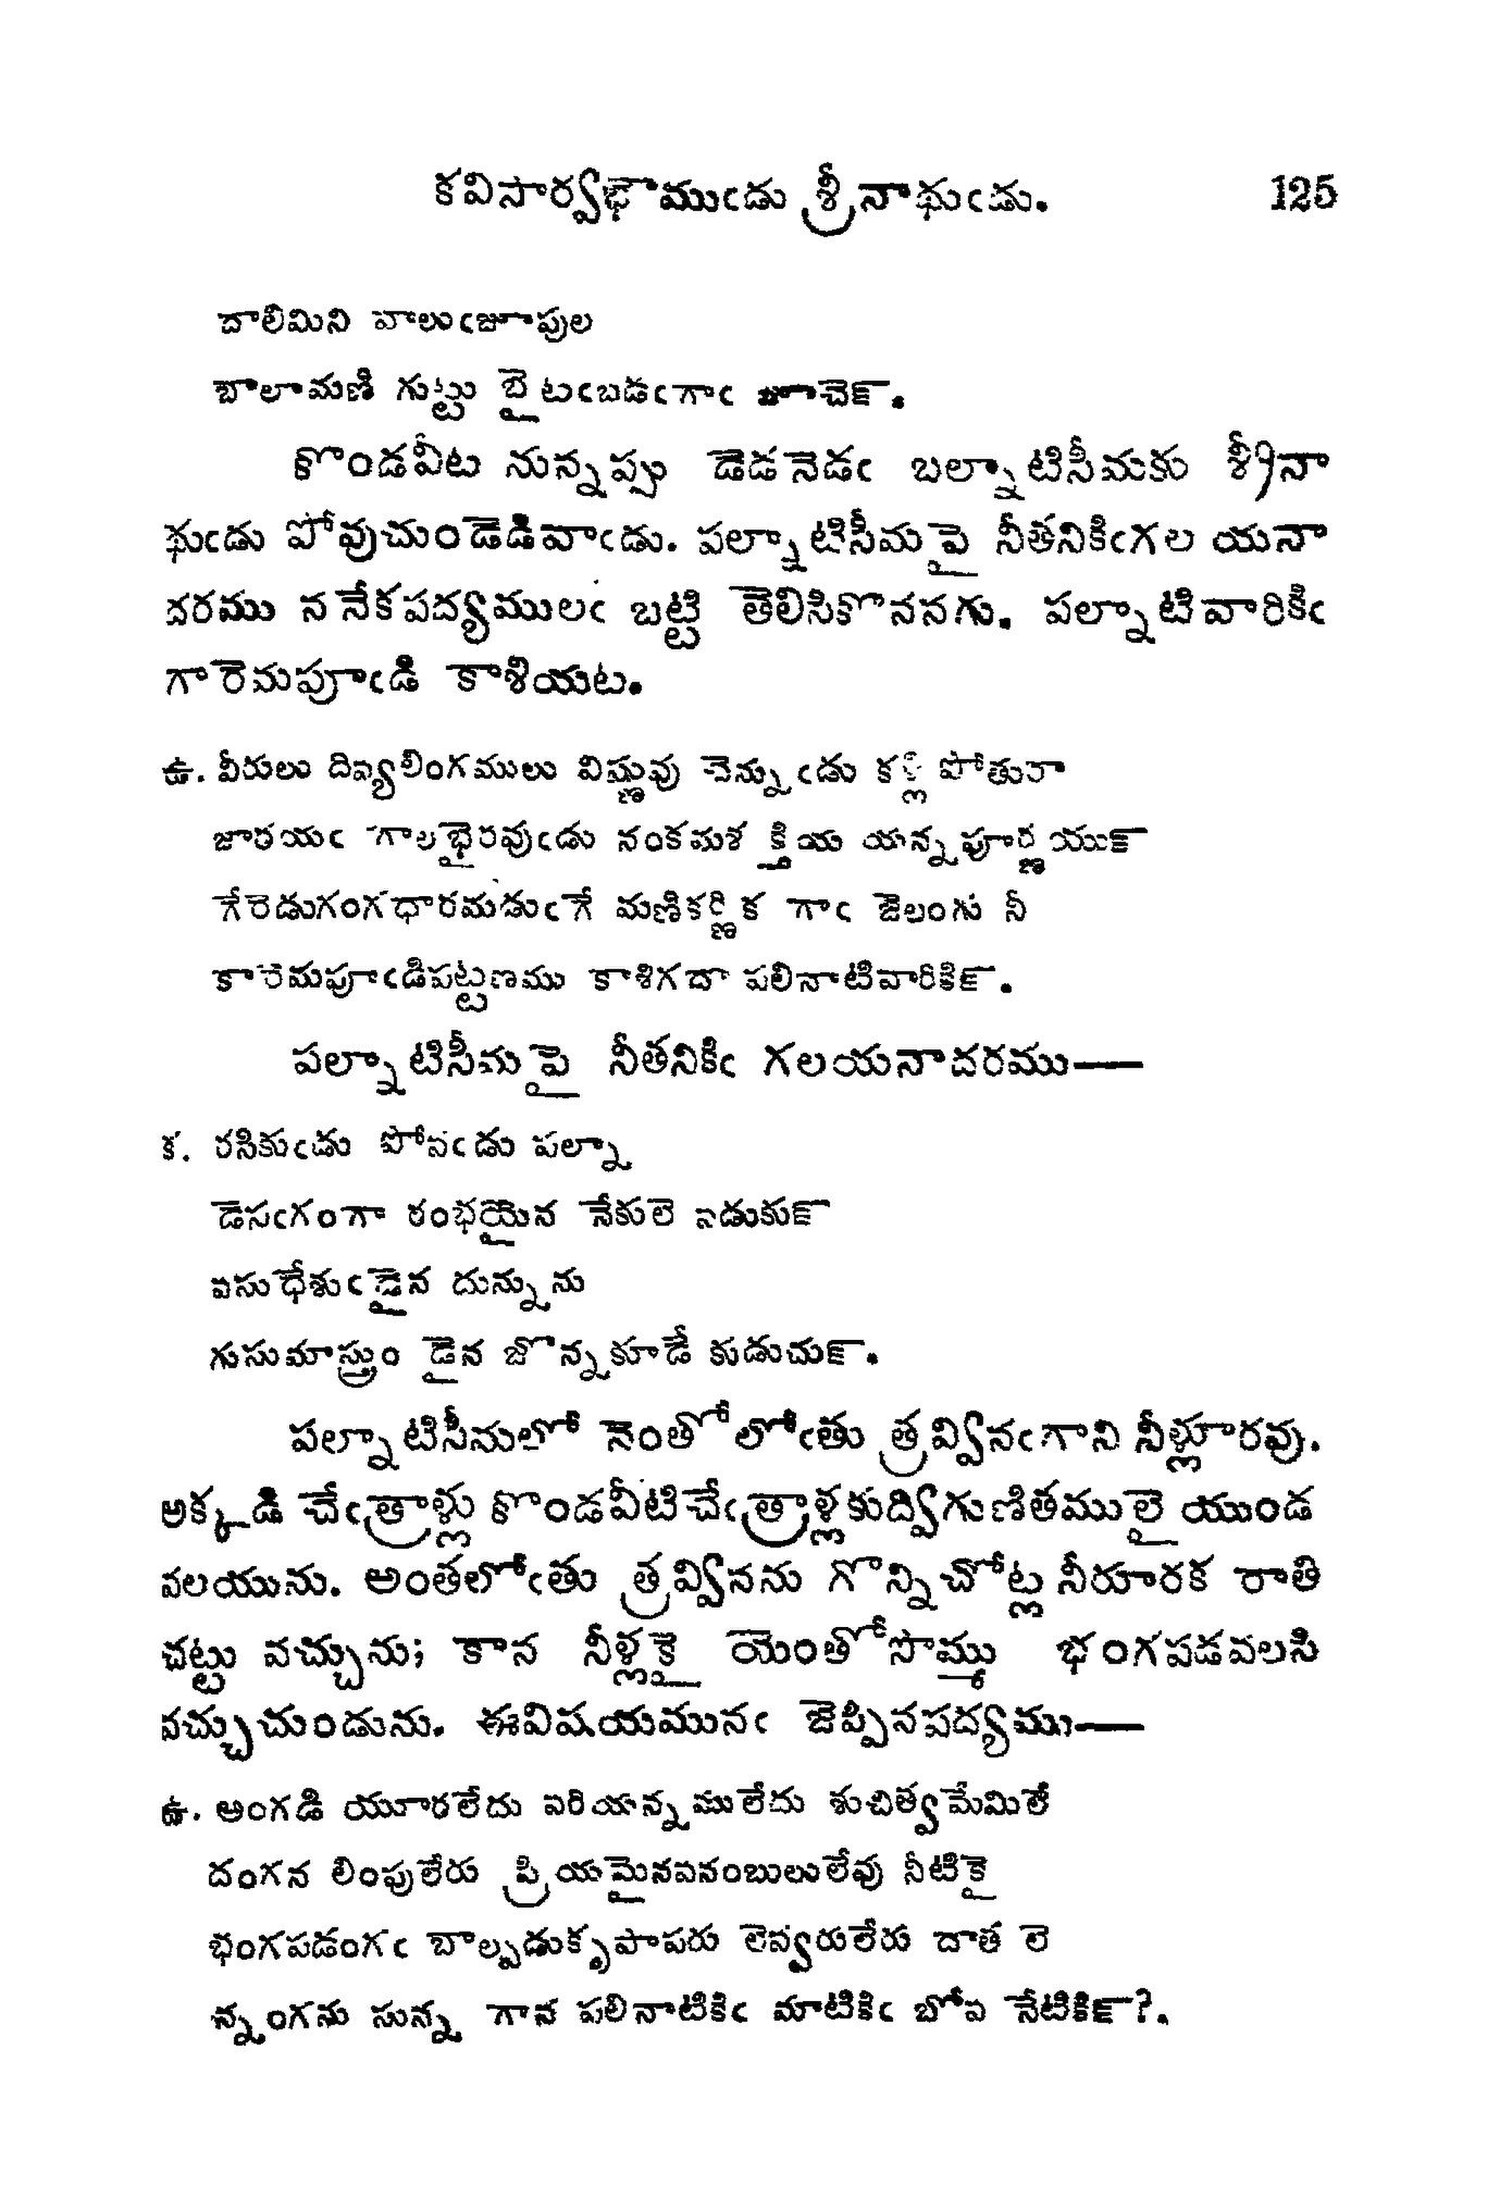దాలిమిని వాలుఁజూపుల
 బాలామణి గుట్టు బైటఁబడఁగాఁ జూచెన్.
కొండవీట నున్నప్పు డెడనెడఁ బల్నాటిసీమకు శ్రీనాథుఁడు పోవుచుండెడివాఁడు. పల్నాటిసీమపై నీతనికిఁ గల యనాదరము ననేకపద్యములఁ బట్టి తెలిసికొననగు. పల్నాటివారికిఁ గారెమపూఁడి కాశి యట.
ఉ. వీరులు దివ్యలింగములు విష్ణువు చెన్నుఁడు కళ్ళిపోతురా
 జారయఁ గాలభైరవుఁడు నంకమశక్తియ యన్నపూర్ణయున్
 గేరెడుగంగధారమడుఁగే మణికర్ణిక గాఁ జెలంగు నీ
 కారెమపూఁడిపట్టణము కాశిగదా పలినాటివారికిన్.
పల్నాటిసీమపై నీతనికిఁ గల యనాదరము—
క. రసికుఁడు పోవఁడు పల్నా
 డెసఁగంగా రంభయైన నేకులె వడుకున్
 వసుధేశుఁడైన దున్నును
 గుసుమాస్త్రుండైన జొన్నకూడే కుడుచున్.
పల్నాటిసీమలో నెంతోలోఁతు త్రవ్వినఁగాని నీళ్ళూరవు. అక్కడి చేఁత్రాళ్ళు కొండవీటిచేఁత్రాళ్ళకు ద్విగుణితములై యుండవలయును. అంతలోఁతు త్రవ్వినను గొన్నిచోట్లు నీరూరక రాతిచట్టులు వచ్చును; కాన నీళ్ళకై యెంతోసొమ్ము భంగపడవలసి వచ్చుచుండును. ఈవిషయమునఁ జెప్పిన పద్యము—
ఉ. అంగడి యూర లేదు వరియన్నము లేదు శుచిత్వ మేమి లే
 దంగన లింపు లేరు ప్రియమైనవనంబులు లేవు నీటికై
 భంగపడంగఁ బాల్పడు కృపాపరు లెవ్వరు లేరు దాత లె
 న్నంగను సున్న గాన పలినాటికిఁ మాటికిఁ బోవ నేటికిన్?